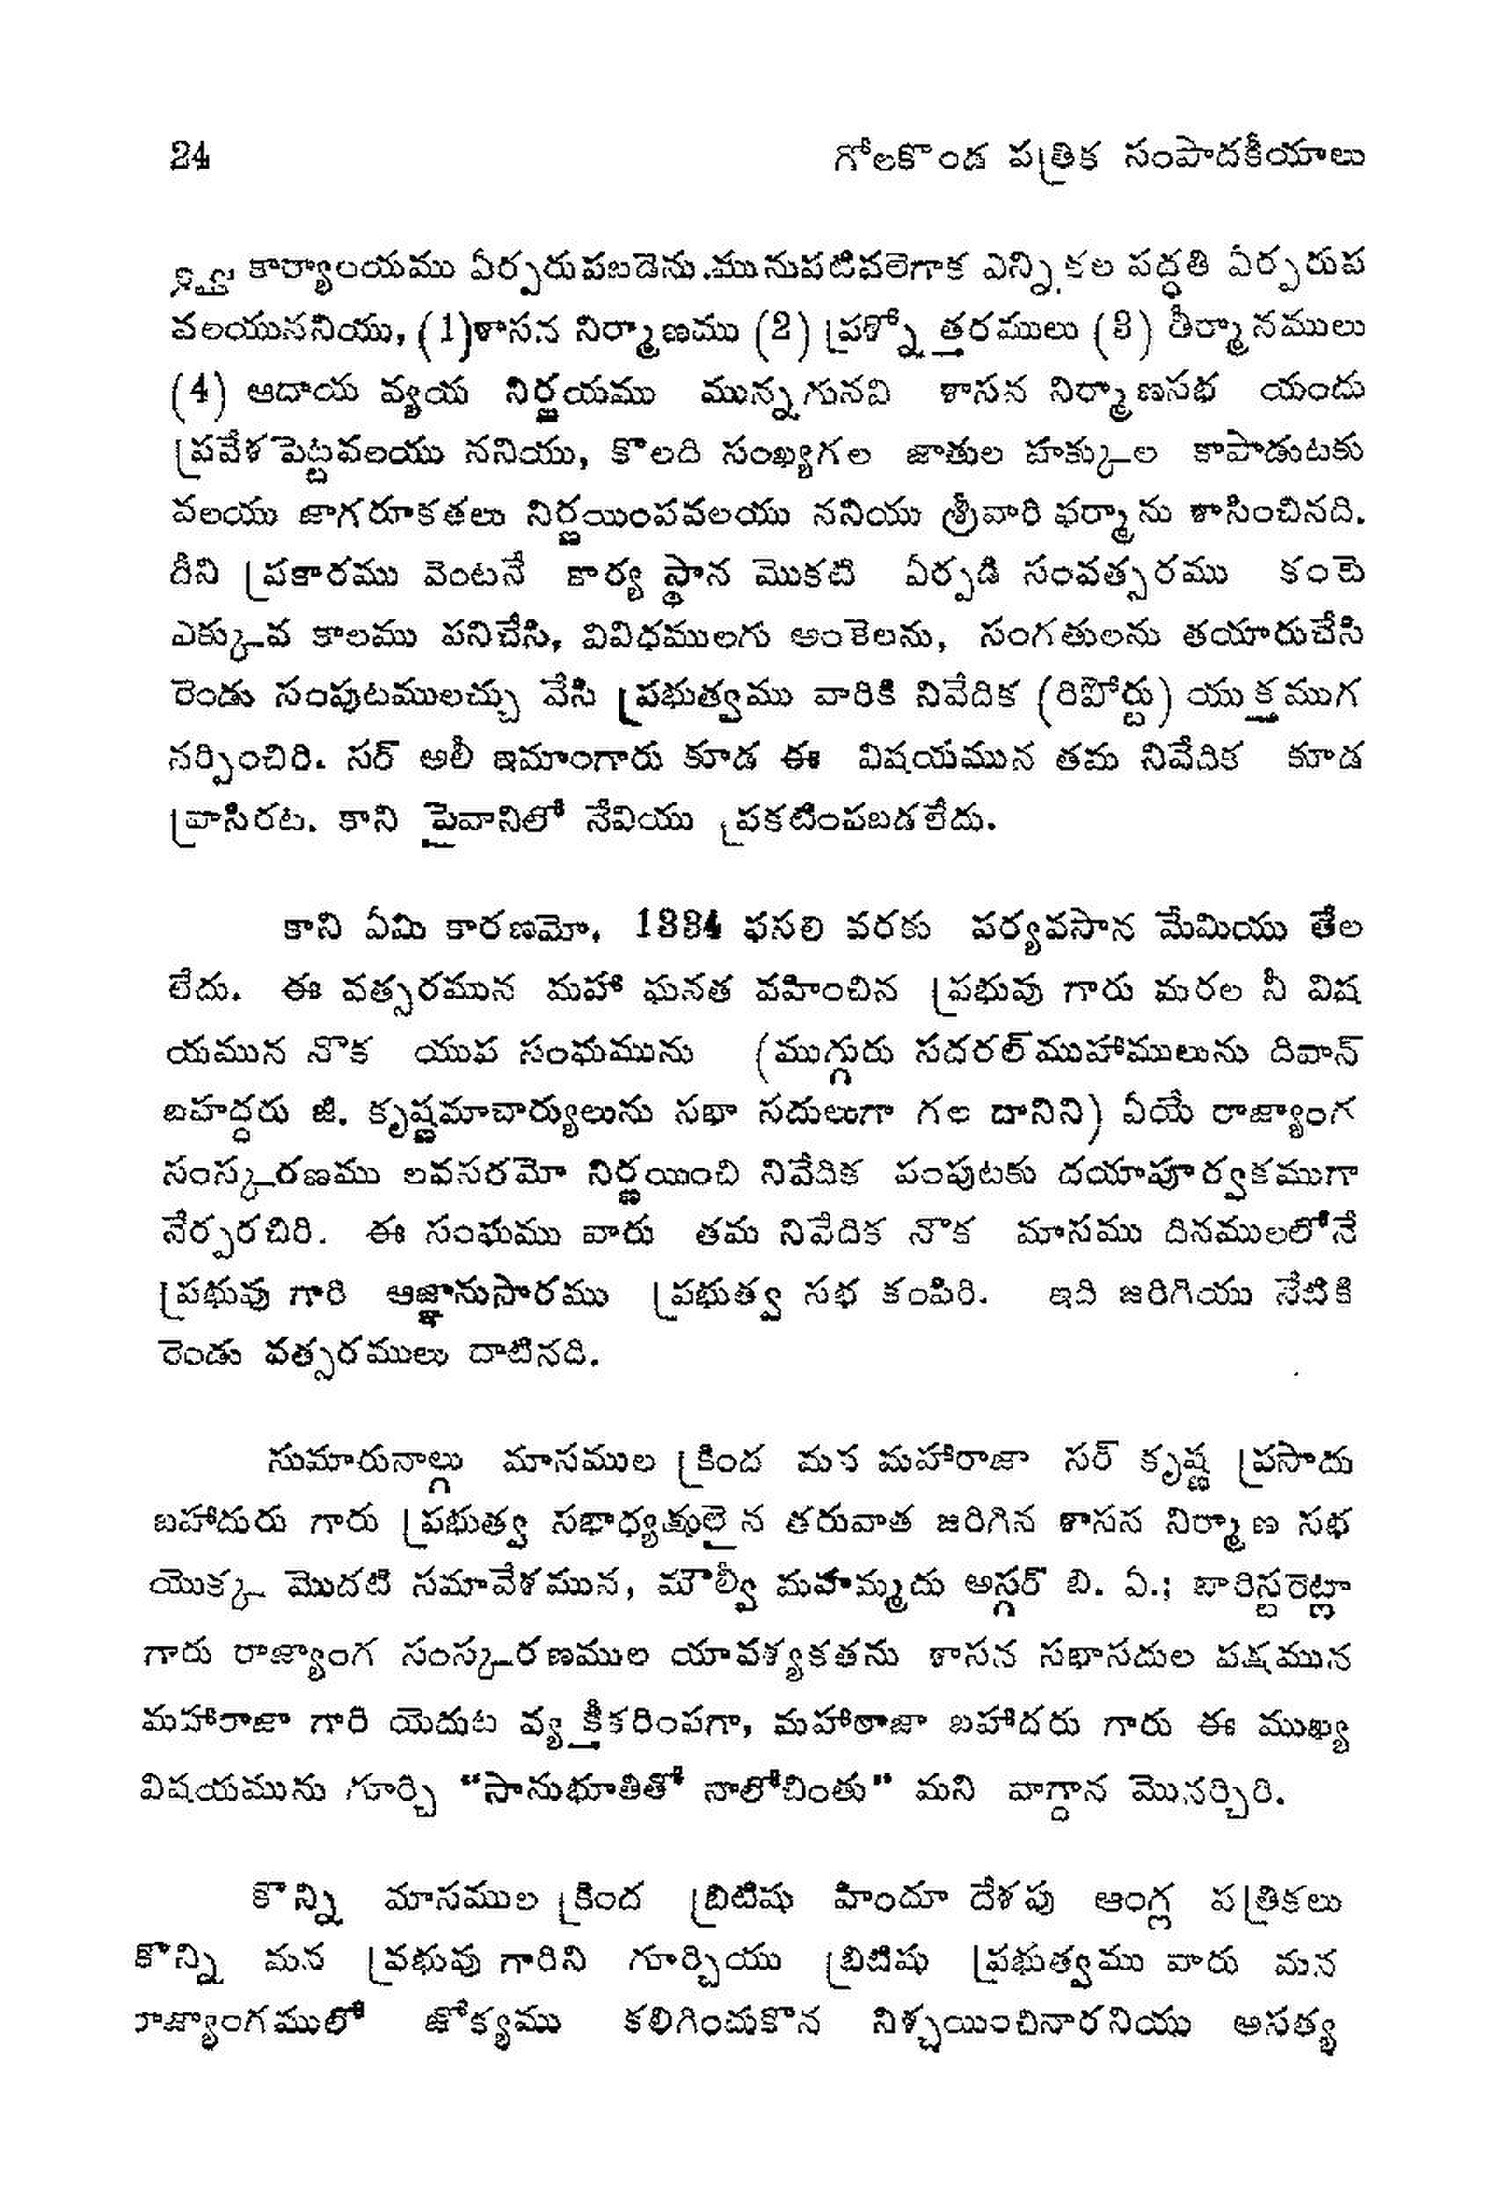నొక కార్యాలయము ఏర్పరుపబడెను.మునుపటివలెగాక ఎన్నికల పద్ధతి ఏర్పరుప వలయుననియు, (1)శాసన నిర్మాణము (2) ప్రశ్నోత్తరములు (3) తీర్మానములు (4) ఆదాయ వ్యయ నిర్ణయము మున్నగునవి శాసన నిర్మాణసభ యందు ప్రవేశపెట్టవలయు ననియు, కొలది సంఖ్యగల జాతుల హక్కుల కాపాడుటకు వలయు జాగరూకతలు నిర్ణయింపవలయు ననియు శ్రీవారి ఫర్మాను శాసించినది. దీని ప్రకారము వెంటనే కార్య స్థాన మొకటి ఏర్పడి సంవత్సరము కంటె ఎక్కువ కాలము పనిచేసి, వివిధములగు అంకెలను, సంగతులను తయారుచేసి రెండు సంపుటములచ్చు వేసి ప్రభుత్వము వారికి నివేదిక (రిపోర్టు) యుక్తముగ నర్పించిరి. సర్ అలీ ఇమాంగారు కూడ ఈ విషయమున తమ నివేదిక కూడ వ్రాసిరట. కాని పైవానిలో నేవియు ప్రకటింపబడలేదు.

కాని ఏమి కారణమో, 1334 ఫసలి వరకు పర్యవసాన మేమియు తేల లేదు. ఈ వత్సరమున మహా ఘనత వహించిన ప్రభువు గారు మరల నీ విషయమున నొక యువ సంఘమును (ముగ్గురు సదరల్‌ముహాములును దివాన్ 
బహద్దరు జి. కృష్ణమాచార్యులును సభా సదులుగా గల దానిని) ఏయే రాజ్యాంగ సంస్కరణము లవసరమో నిర్ణయించి నివేదిక పంపుటకు దయాపూర్వకముగా నేర్పరచిరి. ఈ సంఘము వారు తమ నివేదిక నొక మాసము దినములలోనే ప్రభువు గారి ఆజ్ఞానుసారము ప్రభుత్వ సభ కంపిరి. ఇది జరిగియు నేటికి రెండు వత్సరములు దాటినది.

సుమారునాల్గు మాసముల క్రింద మన మహారాజా సర్ కృష్ణ ప్రసాదు బహాదురు గారు ప్రభుత్వ సభాధ్యక్షులైన తరువాత జరిగిన శాసన నిర్మాణ సభయొక్క మొదటి సమావేశమున, మౌల్వీ మహమ్మదు అస్గర్ బి. ఏ.; బారిస్టరెట్లా
గారు రాజ్యాంగ సంస్కరణముల యావశ్యకతను శాసన సభాసదుల పక్షమున మహారాజా గారి యెదుట వ్యక్తీకరింపగా, మహారాజా బహాదరు గారు ఈ ముఖ్య విషయమును గూర్చి "సానుభూతితో నాలోచింతు" మని వాగ్దాన మొనర్చిరి.

కొన్ని మాసముల క్రింద బ్రిటిషు హిందూ దేశపు ఆంగ్ల పత్రికలు కొన్ని మన ప్రభువు గారిని గూర్చియు బ్రిటిషు ప్రభుత్వము వారు మన రాజ్యాంగములో జోక్యము కలిగించుకొన నిశ్చయించినారనియు అసత్య